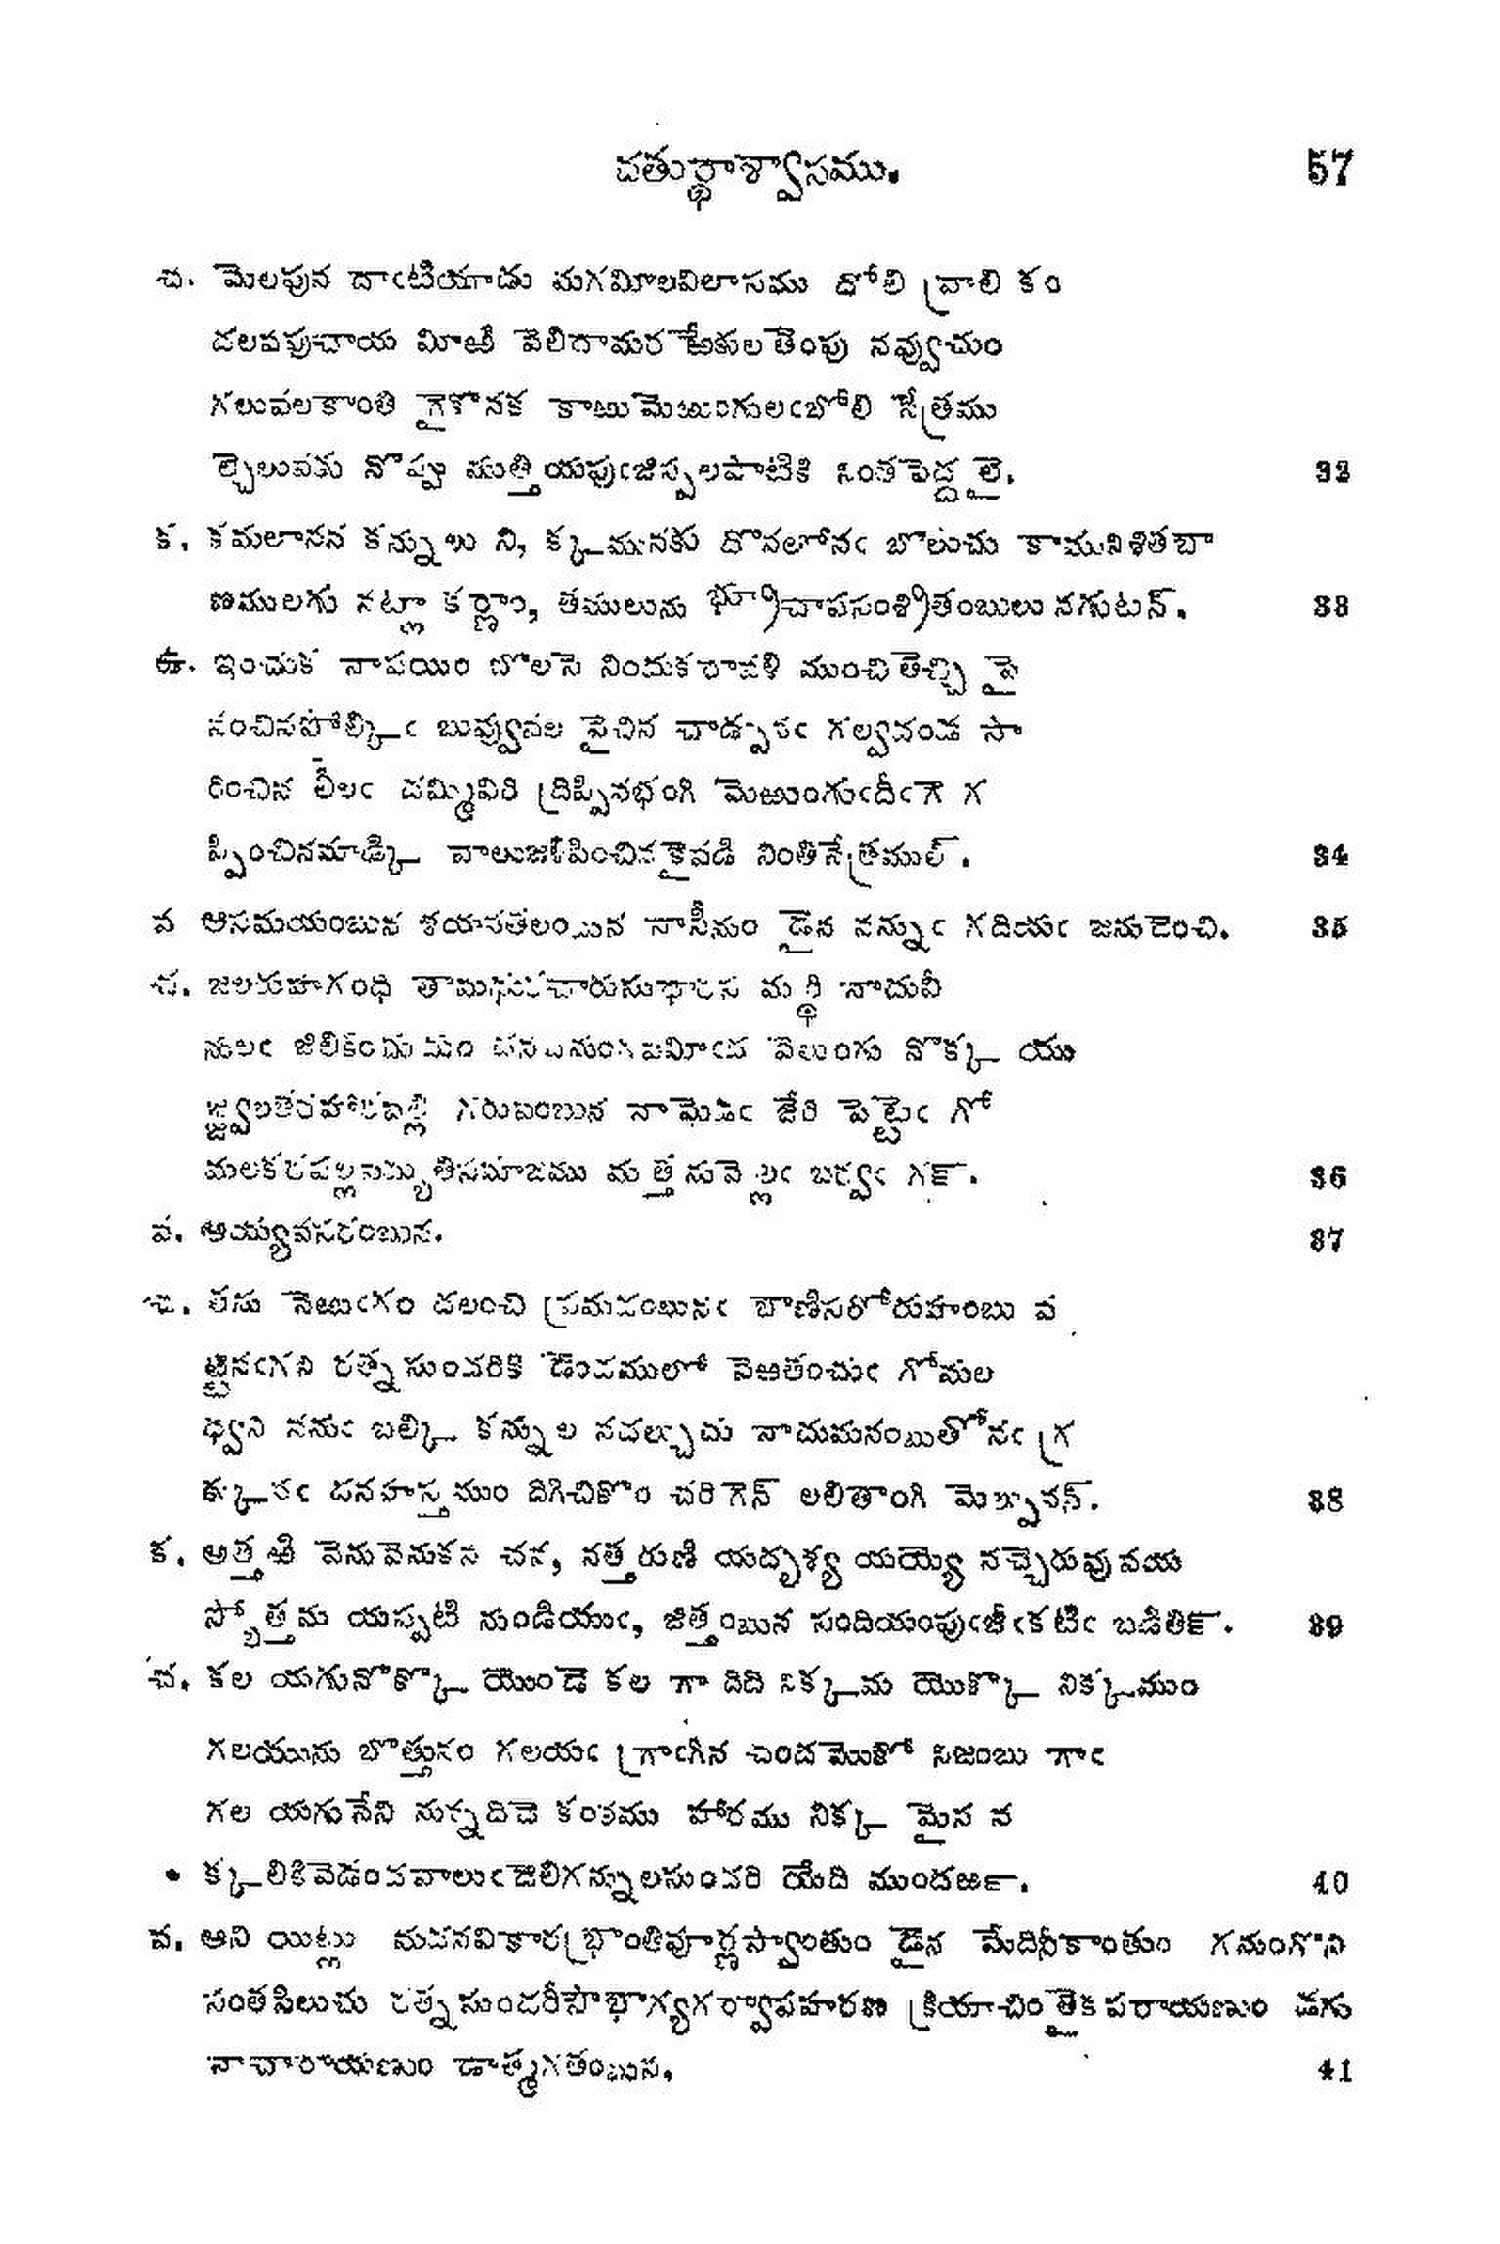చ. మెలఫున దాఁటియాడు మగమీలవిలాసము దోలి వ్రాలి కం
 దలపపుచాయ మీఱి వెలిదామరఱేకులతెంపు నవ్వుచుం
 గలువలకాంతి గైకొనక కాఱుమెఱుంగులఁ బోలి నేత్రము
 ల్చెలువకు నొప్పు ముత్తియపుఁజిప్పలపాటికి నింతపెద్దలై.
క. కమలానన కన్నులు ని, క్కమనుకు దొనలోనఁ బొలుచు కామునిశితబా
 ణములగు న ట్ కర్ణాం, తములును భ్రూచాపసంశితంబులు నగుటన్.
ఉ. ఇంచుక నాపయిం బొలసె నిందుకరావళి ముంచి తెచ్చి పై
 నంచినపోల్కిఁ బువ్వువల వైచిన చాడ్పునఁ గల్వదండ సా
 రించినలీలఁ దమ్మివిరి ద్రిప్పినభంగి మెఱుంగుఁదీఁగె గ
 ప్పించినమాడ్కి వాలు జళిపించినకైవడి నింతినేత్రముల్.
వ. ఆసమయంబున శయనతలంబున నాసీనుం డైన నన్నుఁ గదియఁ జనుదెంచి.
చ. జలరుహగంధి తామధురచారుసుధారస మర్థి నాదునీ
 నులఁ జిలికించుచుం దనచనుగవమీఁద వెలుంగు నొక్క యు
 జ్జ్వలతరహారవల్లి గరువంబున నామెడఁ జేరి పెట్టెఁ గో
 మలకరపల్లవద్యుతిసమాజము మత్తనువెల్ల బర్వఁగన్.
వ. అయ్యవసరంబున.
చ. తను నెఱుఁగం దలంచి ప్రమదంబున బాణిసరోరుహంబు వ
 ట్టినఁ గని రత్నసుందరికి డెందములో వెఱతంచుఁ గోమల
 ధ్వని ననుఁ బల్కి కన్నుల నదల్చుచు నాదుమనంబుతోనఁ గ్ర
 క్కునఁ దనహస్తముం దిగిచికొం చరిగెన్ లలితాంగి మెల్పునన్.
క. అత్తఱి వెనువెనుకన చన, నత్తరుణి యదృశ్య యయ్యె నచ్చెరువు వయ
 స్యోత్తమ యప్పటినుండియుఁ, జిత్తంబున సందియంపుఁజీఁకటిఁ బడితిన్.
చ. కల యగునొక్కొ యొండె కల గా దిది నిక్కమ యొక్కొ నిక్కముం
 గలయును బొత్తునం గలయఁ గ్రాఁగిన చందమొకో నిజంబు గాఁ
 గల యగునేని నున్నదిదె కంఠము హారము నిక్క మైన న
 క్కలికి వెడందవాలుఁదెలిగన్నులసుందరి యేది ముందఱన్.
వ. అని యిట్లు మదనవికారభ్రాంతిపూర్ణస్వాంతుం డైన మేదినీకాంతుం గనుంగొని
 సంతసిలుచు రత్నసుందరీసౌభాగ్యగర్వాపహరణక్రియాచింతైకపరాయణుం డగు
 నాచారాయణుం డాత్మగతంబున.